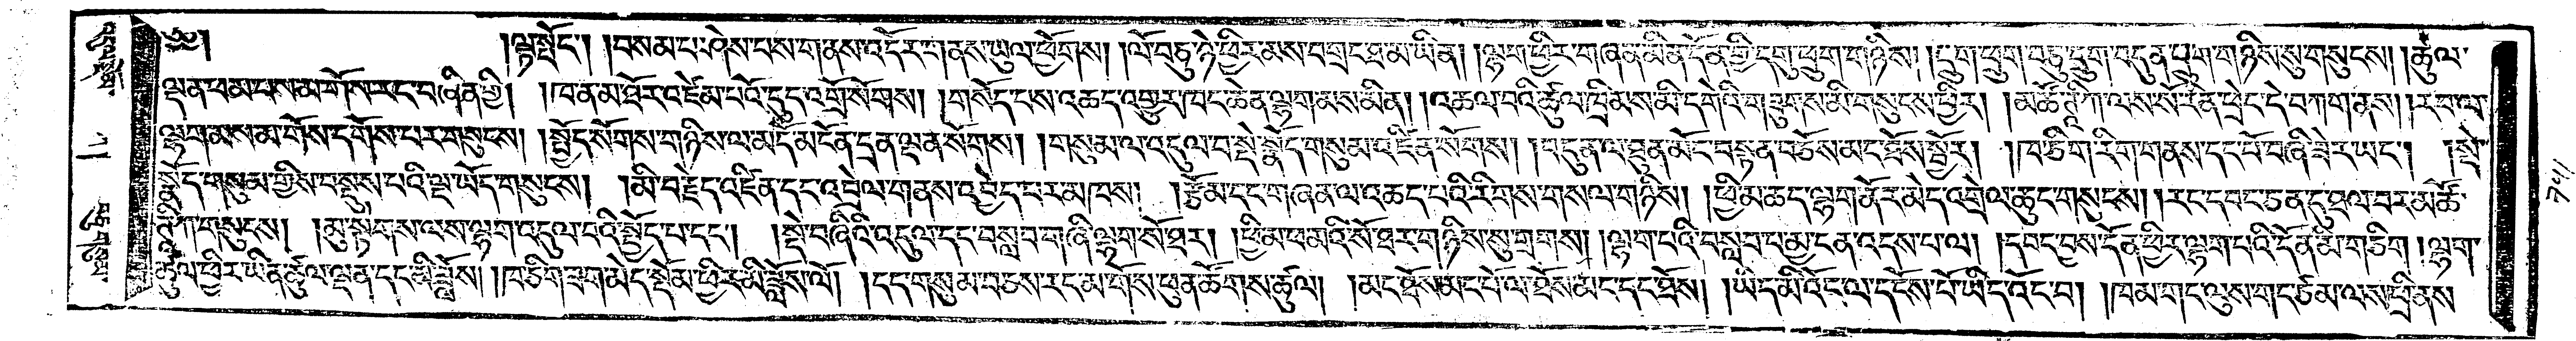༄༅། །ལྟ་སྤོང་། །བསམ་པ་ཤེས་པས་གནས་འདོར་གནས་ཡུལ་ཕྱོགས། །ལོ་བཅུ་ཉེ་ཕྱིར་མས་བགྲང་ཐ་མ་ཡིན། །ལྷག་ཕྱིར་གཞན་མིན་དོན་གྱི་དགུ་ཕྲུག་གཉིས། །དྲུག་ཕྲུག་བཅུ་དྲུག་བདུན་ཕྲུག་གཉིས་སུ་གསུངས། །ཚུལ་
ལྡན་ཕམ་པས་མ་གོས་རང་བཞིན་གྱི། །ཁ་ན་མ་ཐོར་འཛེམ་པའོ་དུད་འགྲོ་སོགས། །གསོད་པས་འཆད་འགྱུར་ཁང་ཆེན་ལྷག་མས་མིན། །འཚལ་བའི་ཚུལ་ཁྲིམས་མི་དགེའི་གཟུགས་མི་གསུངས་ཕྱིར། །མཚོ་ཊཱིཀ་ལས་སོ་རིན་ཕྲེད་དེ་བཀག་ནས། །རབ་ལ་
ལྷག་མས་མ་གོས་དགོས་པར་གསུངས། །སྤྱོད་སོགས་གཉིས་ལ་མདོ་མངོན་དྲན་ལྡན་སོགས། །གསུམ་ལ་འདུལ་བ་སྡེ་སྣོད་གསུམ་འཛིན་སོགས། །བདུན་ལ་ཐུན་མོང་བསྟན་བཅོས་མང་ཐོས་སྦྱོར། །ཁ་ཅིག་རིག་གནས་དང་པོ་བཞི་ཟེར་ཡང་། །སྡེ་
སྣོད་གསུམ་གྱི་བསྡུས་པའི་ལྔ་ཡོད་གསུངས། །མི་བརྗེད་འཛིན་དང་འབྲེལ་གནས་འབྱེད་པར་མཁས། །རྩོམ་དང་གཞན་ལ་འཆད་པའི་རིགས་གསལ་གཉིས། །ཕྱི་མ་ཆད་ལྷག་ནོར་མེད་འགྲེལ་ཆུང་གསུངས། །རང་དབང་ཅན་དུ་ཐལ་བར་མཚོ་
ཊཱིཀ་གསུངས། །མུ་སྟེགས་ལས་ལྷག་འདུལ་བའི་སྤྱོད་པ་དང་། །སྡེ་བཞིའི་འདུལ་དང་བསླབ་གཞི་ལྷག་སོ་ཐར། །ཕྱི་མ་ཕ་མའི་སོ་ཐར་གཉིས་སུ་གྲགས། །ལྷག་པའི་བསླབ་པ་མྱ་ངན་འདས་པ་ལ། །དབང་བྱས་དོན་ཕྱིར་ལྷག་པའི་དོན་མི་གཅིག། །ལྷག་
ཚུལ་ཕྱིར་ཡིན་ཚུལ་ལྡན་དང་མི་ཟློས། །ཁ་ཅིག་ཟག་མེད་སྡོམ་ཕྱིར་མི་ཟློས་ལོ། །དད་གསུམ་བཅས་རང་མ་གོས་ཕུན་ཚོགས་ཚུལ། །མང་ཐོས་མང་པོ་ལ་ཐོས་མང་དང་ཐོས། །ཡིད་མི་འོང་ལ་དངོས་པོ་ཡིད་འོང་བ། །ཁམ་གང་ལུས་གང་ཙམ་ལས་ཕྲི་ནས་